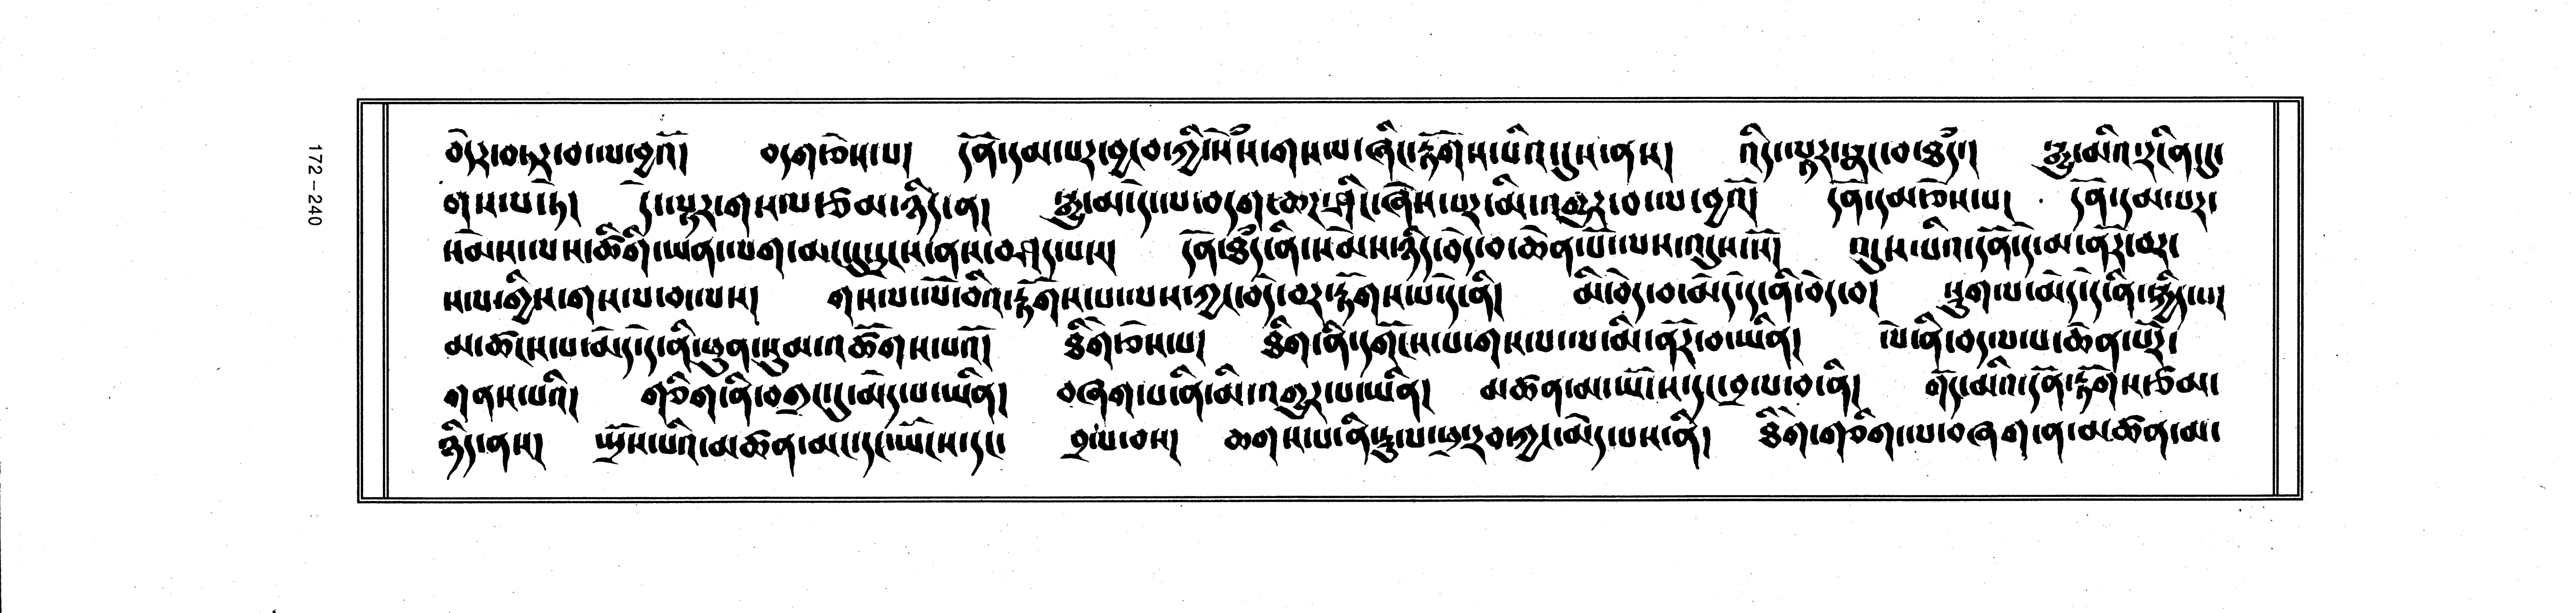བདེར་བཏར་བ་ལ་བྱའོ། བདག་ཅེས་པ། དོན་དམ་པར་བྱང་ཆུབ་ཀྱིས་སེམས་གསལ་ཞིང་རྟོགས་པའི་དུས་ནས། འདི་ལྟར་སྣང་བ་ཐམས་ཅད། སྒྱུ་མའི་རང་བཞིན་དུ་
གསལ་ཏེ། དེ་ལྟར་གསལ་ཙམ་ཉིད་ན། སྒྱུ་མ་དེ་ལ་བདག་ཆགས་ཤིང་ཞེས་པར་མི་འགྱུར་བ་ལ་བྱའོ། དོན་དམ་ཅེས་པ། དོན་དམ་པར་
སེམས་ལས་ཚིག་གི་ཡན་ལག་མང་དུ་དྲངས་ནས་བཤད་པས། དོན་ཐམས་ཅད་ནི་སེམས་ཉིད་བདེ་བ་ཆེན་པོ་ལས་འདུས་སོ། འདུས་པའི་དོན་དེ་མ་ནོར་བར་
སལ་གྱིས་གསལ་བ་ལས། གསལ་ལོ་བའི་རྟོགས་པ་ལས་ཀྱང་བདེ་བར་རྟོགས་པ་དེ་ནི། མི་བདེ་བ་མེད་དེ་ནི་བདེ་བ། སྡུག་བསྔལ་མེད་དེ་ནི་སྐྱིད་པ། 
མ་ཚངས་པ་མེད་དེ་ནི་ཕུན་སུམ་འཚོགས་པའོ། ཐིག་ལེ་ཅེས་པ། ཐིག་ནི་དགོངས་པ་གསལ་ལ་མི་ནོར་བ་ཡིན། ལེ་ནི་བདལ་པ་ཆེན་པོར་
གནས་པའི། གཅིག་ནི་འགྲང་དུ་མེད་པ་ཡིན། བཞག་པ་ནི་མི་འགྱུར་པ་ཡིན། མཚན་མ་ཡོངས་དང་བྲལ་བ་ནི། གོད་མའི་དོན་རྟོགས་ཙམ་
ཉིད་ནས། སྤྲོས་པའི་མཚན་མང་དང་ཡོངས་དང་བྲལ་བས། ཆགས་པ་ནི་རྡུལ་ཕྲ་རབ་ཀྱང་མེད་པས་ནི། ཐིག་ལེ་གཅིག་ལ་བཞག་ན་མཚན་མ་